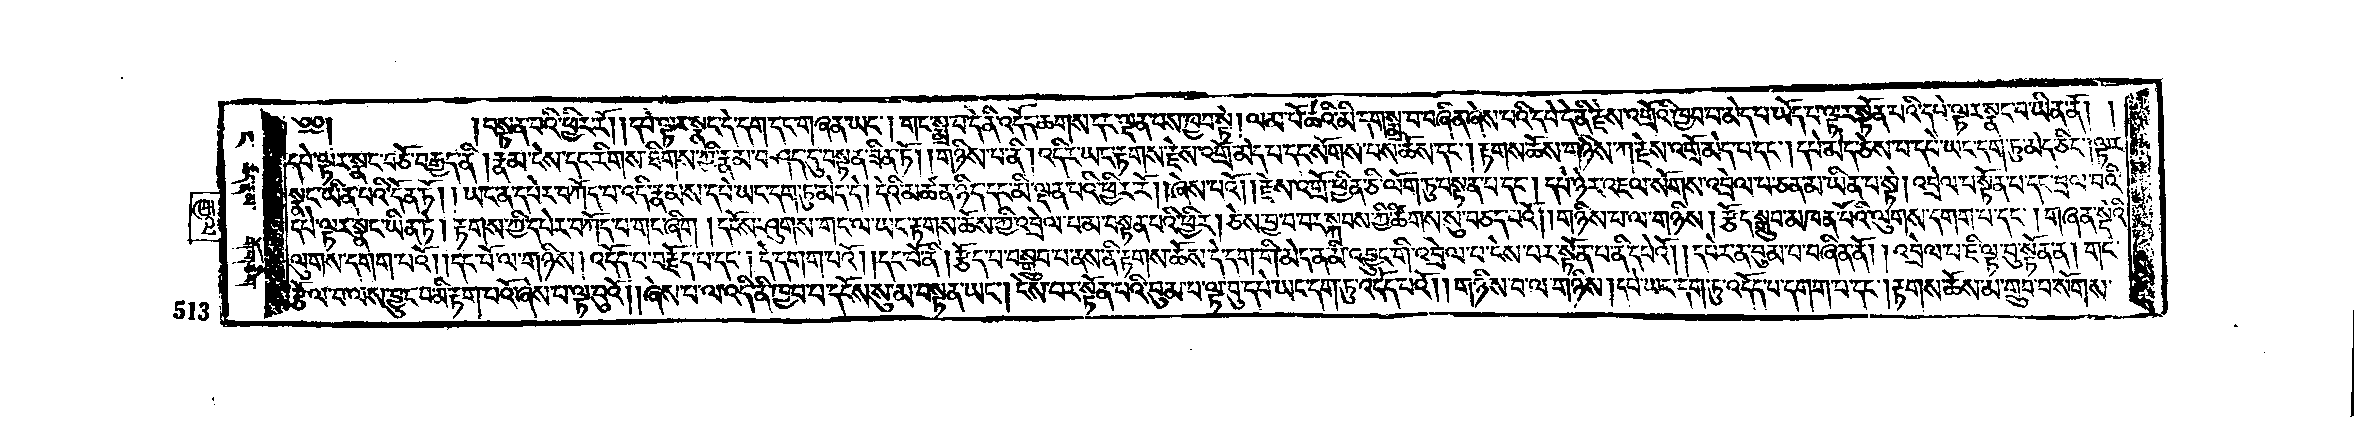༄༅། །བསྟན་པའི་ཕྱིར་རོ། །དཔེ་ལྟར་སྣང་དེ་དག་དང་གཞན་ཡང་། གང་སྨྲ་བ་དེ་ནི་འདོད་ཆགས་དང་ལྡན་པས་ཁྱབ་སྟེ། ལམ་པོ་ཆེའི་མི་དག་སྨྲ་བ་བཞིན་ཞེས་པའི་དཔེ་དེ་ནི་རྗེས་འགྲོའི་ཁྱབ་པ་མེད་པ་ཡོད་པ་ལྟར་སྟོན་པའི་དཔེ་ལྟར་སྣང་བ་ཡིན་ནོ། །
དཔེ་ལྟར་སྣང་བཅོ་བརྒྱད་ནི། རྣམ་ངེས་དང་རིགས་ཐིགས་ཀྱི་རྣམ་བཤད་དུ་བསྟན་ཟིན་ཏོ། །གཉིས་པ་ནི། འདིར་ཡང་རྟགས་རྗེས་འགྲོ་མེད་པ་དང་སོགས་པས་ཆོས་དང་། རྟགས་ཆོས་གཉིས་ཀ་རྗེས་འགྲོ་མེད་པ་དང་། དཔེ་མེ༣ད་ཅེས་པ་དཔེ་ཡང་དག་ཏུ་མེད་ཅིང་། ལྟར་
སྣང་ཡིན་པའི་དོན་ཏོ། །ཡང་ན་དཔེར་བཀོད་པ་འདི་རྣམས་དཔེ་ཡང་དག་ཏུ་མེད་དེ། དེའི་མཚན་ཉིད་དང་མི་ལྡན་པའི་ཕྱིར་རོ། །ཞེས་པའོ། །རྗེས་འགྲོ་ཕྱིན་ཅི་ལོག་ཏུ་བསྟན་པ་དང་། དཔེ་ཉེར་འཇལ་སོགས་འབྲེལ་པ་ཅན་མ་ཡིན་པ་སྟེ། འབྲེལ་པ་སྟོན་པ་དང་བྲལ་བའི་
དཔེ་ལྟར་སྣང་ཡིན་ཏེ། རྟགས་ཀྱི་དཔེར་བཀོད་པ་གང་ཞིག །དངོས་ཤུགས་གང་ལ་ཡང་རྟགས་ཆོས་ཀྱི་འབྲེལ་པ་མ་བསྟན་པའི་ཕྱིར། ཅེས་བྱ་བ་བར་སྐབས་ཀྱི་ཚིགས་སུ་བཅད་པའོ། །དཔེ་ཉེར་འཇལ་སོགས་འབྲེལ་པ་ཅན་མ་ཡིན་པ་སྟེ། འབྲེལ་པ་སྟོན་པ་དང་བྲལ་བའི་
ལུགས་དགག་པའོ། །དང་པོ་ལ་གཉིས། འདོད་པ་བརྗོད་པ་དང་། དང་པོ་ནི། རྩོད་པ་བསྒྲུབ་པ་ནས་ནི་རྟགས་ཆོས་དེ་དག་གི་མེད་ན་མི་འབྱུང་གི་འབྲེལ་པ་ངེས་པར་སྟོན་པ་ནི་དཔེའོ། །དཔེར་ན་བུམ་པ་བཞིན་ནོ། །འབྲེལ་པ་ཇི་ལྟ་བུ་སྟོན་ན། གང་
རྩོལ་བ་ལས་བྱུང་བ་མི་རྟག་པའོ་ཞེས་པ་ལྟ་བུའོ། །ཞེས་པ་ལ་འདི་ནི་ཁྱབ་པ་དངོས་སུ་མ་བསྟན་ཡང་། ངེས་པར་སྟོན་པའི་བུམ་པ་ལྟ་བུ་དཔེ་ཡང་དག་ཏུ་འདོད་པའོ། །གཉིས་པ་ལ་གཉིས། དཔེ་ཡང་དག་ཏུ་འདོད་པ་དགག་པ་དང་། རྟགས་ཆོས་མ་གྲུབ་པ་སོགས་